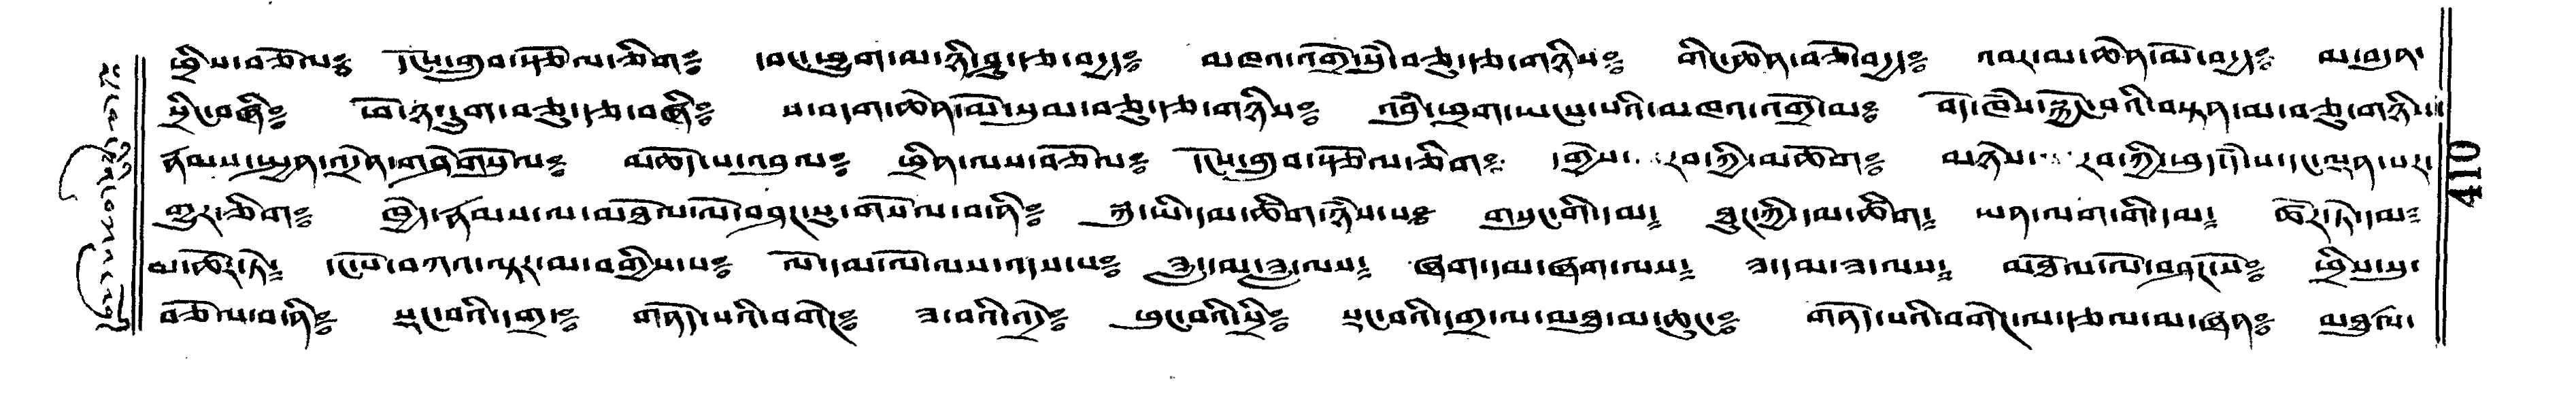ཕྲིན་ལས༴ དངོས་གྲུབ༴ དབང་ཕྱུག་མ་ཉི་ཤུ་རྩ་བརྒྱད༔ མཁའ་འགྲོ་སུམ་ཅུ་རྩ་གཉིས༔ གིང་ཆེན་བཅོ་བརྒྱད༔ མ་བདུན་
སྲིང་བཞི༔ ཕོ་ཉ་དྲུག་ཅུ་རྩ་བཞི༔ ས་བདག་ཆེན་མོ་སུམ་ཅུ་རྩ་གཉིས༔ འབུམ་ཕྲག་ཡངས་པའི་མཁའ་འགྲོ་མ༔ བོད་ཁམས་སྐྱོང་བའི་བསྟན་མ་བཅུ་གཉིས་
རྣམས་སྤྱན་འདྲེན་གཤེགས་སུ་གསོལ༔ མཆོད་པ་འབུལ༔ ཕྲིན་ལས་བཅོལ༔ དངོས་གྲུབ་སྩོལ་ཅིག༔ དགྱེས་རབ་ཀྱི་མཆོག༔ མཉེས་རབ་ཀྱི་ཕུད་དམ་པ་དང་ལྡན་པར་
གྱུར་ཅིག༔ ཁྱེད་རྣམས་ལ་མཐོལ་ཞིང་བཤགས་སུ་གསོལ་བ་ནི༔ སྐུ་ཡི་དམ་ཚིག་ཉམས་པ༔ གསུང་གི་དམ༴ ཐུགས་ཀྱི་དམ་ཚིག༴ ཡན་ལག་གི་དམ༴ ཚོར་ཏེ་དམ༴ 
མ་ཚོར་ཏེ༴ དང་པོ་བཀའ་ལྟར་མ་བགྱིས་པ༔ ལོ་དམ་ལོ་ལས་འདས་པ༔ ཟླ་དམ་ཟླ་ལས༴ ཞག་དམ་ཞག་ལས༴ ཟ་དམ་ཟ་ལས༴ མཐོལ་ལོ་བཤགས་སོ༔ ཕྲིན་ལས་སུ་
བཅོལ་བ་ནི༔ སྡང་བའི་དགྲ༔ གནོད་པའི་དགྲ་བགེགས༔ཟ་བའི་འདྲེ༔ ཕུང་བའི་སྲི༔ སྡང་བའི་དགྲ་ལ་མཐུ་མ་ཆུང༔ གནོད་པའི་བགེགས་ལ་རྩལ་མ་ཞན༔ མཐུ་རྩལ་